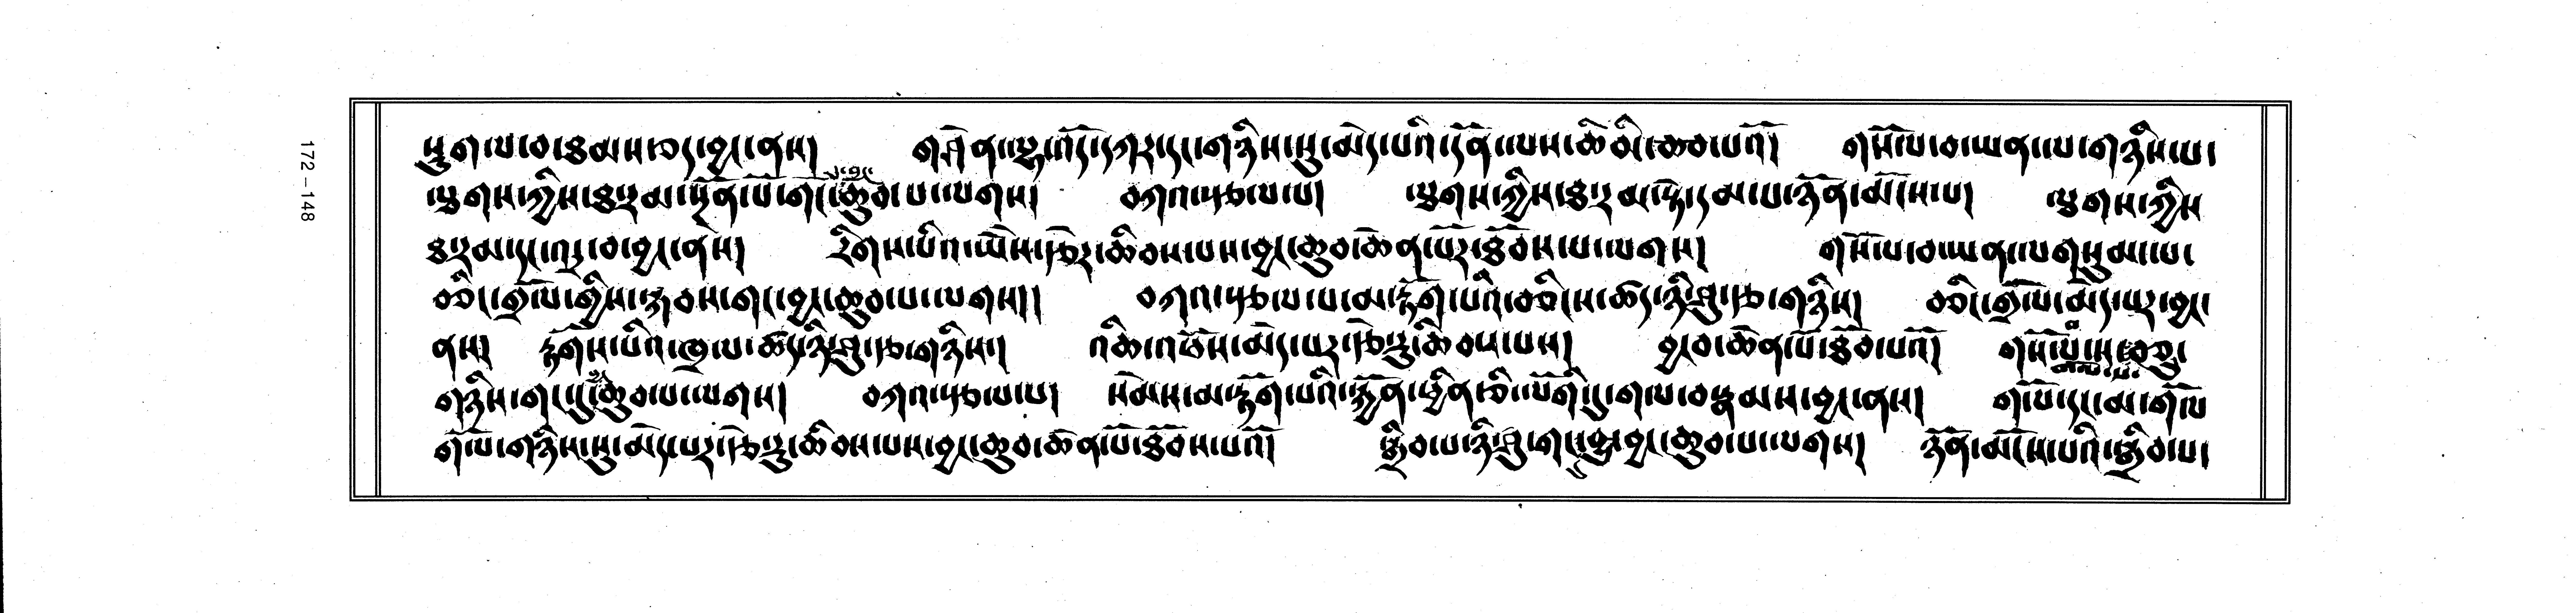སྡུག་བསྔལ་བ་ཐམས་ཅད་བྱང་ནས། གཤེན་ལྷ་འོད་དཀར་དང་གཉིས་སུ་མེད་པའི་དོན་ལས་བྱང་ཆུབ་པའོ། གསོལ་བ་ཡན་ལ་གཉིས་པ་
ལྕགས་ཀྱིས་ཐ་རམ་སྔོན་པོ་གོང་དུ་བྱང་ཆུབ་པ་ལགས། བཀའ་སྩལ་པ། ལྕགས་ཀྱིས་ཐ་རམ་སྟེ་དམ་པ་ཉོན་མོངས་པ། ལྕགས་ཀྱིས་
ཐ་རམ་དང་འདྲ་བ་བྱང་ནས། རིག་པའི་ཡེ་ཤེས་རྩེར་ཆིབས་པས་བྱང་ཆུབ་ཆེན་པོར་ཐོབ་པ་ལགས། གསོལ་བ་ཡན་ལག་གསུམ་པ་
བཅིང་གྲོལ་གྱིས་སྐབས་གང་བྱང་ཆུབ་པ་ལགས། བཀའ་སྩལ་པ་མ་རྟོགས་པའི་བཅིངས་ཚད་ཉི་ཤུ་རྩ་གཉིས། བཅིང་གྲོལ་མེད་པར་བྱང་
ནས། རྟོགས་པའི་ཁྲལ་ཚད་ཉི་ཤུ་རྩ་གཉིས། འཆི་འཕོས་མེད་པར་རྩེ་རུ་ཆིབས་པས། བྱང་ཆུབ་ཆེན་པོ་ཐོབ་པའོ། གསོལ་བ་གོལ་ས་བཅུ་
གཉིས་གང་དུ་བྱང་ཆུབ་པ་ལགས། བཀའ་སྩལ་པ། སེམས་མ་རྟོགས་པའི་སྐྱོན་ཕྱིན་ཅི་ལོག་གི་གོལ་བ་རྣམས་བྱང་ནས། གོལ་དང་མ་གོལ
གོལ་གཉིས་སུ་མེད་པར་རྩེ་རུ་ཆིབས་པས་བྱང་ཆུབ་ཆེན་པོ་ཐོབས་པའོ། སྒྲིབ་པ་ཉི་ཤུ་གང་དུ་བྱང་ཆུབ་པ་ལགས། ཉོན་མོངས་པའི་སྒྲིབ་པ་